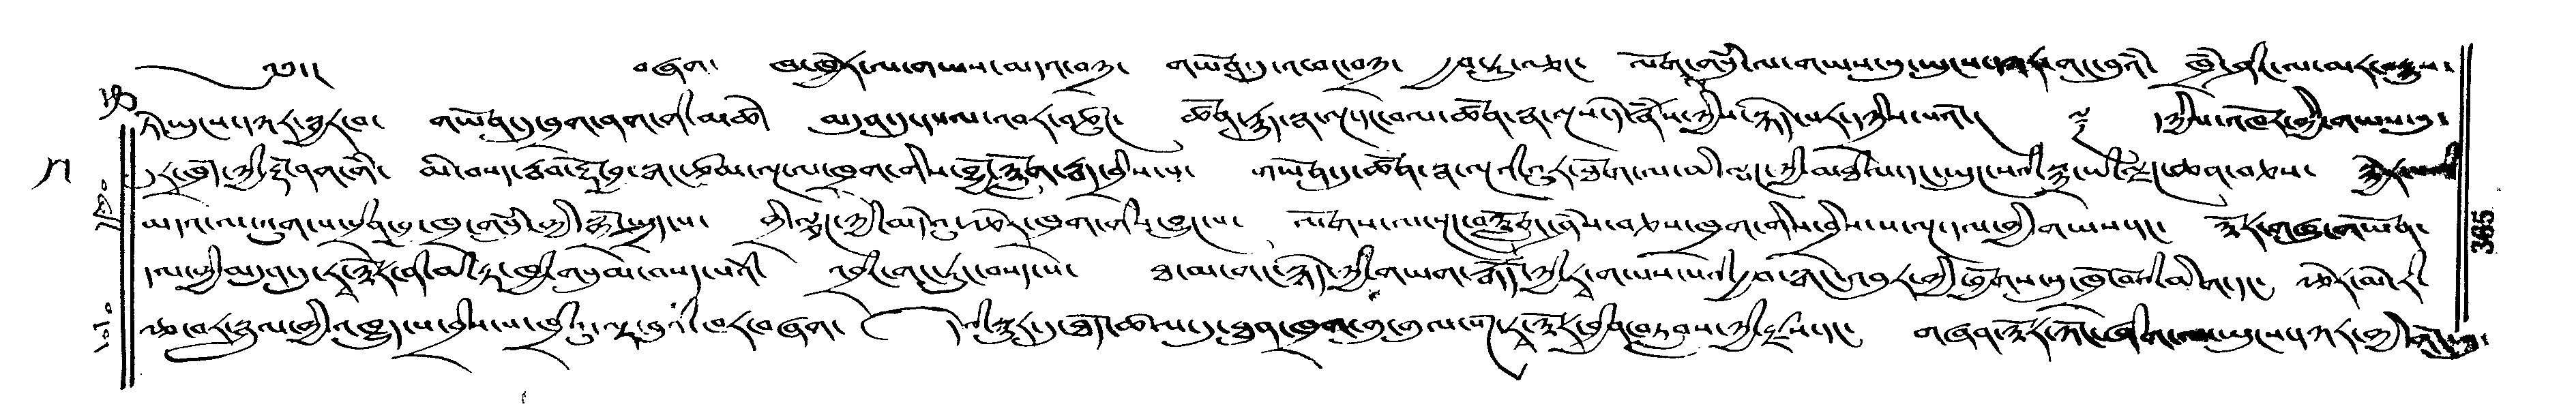འཇོག ཁ་ཁྱེར་ལ་གཡས་མདའ་བཀྲ། གཡོན་དུ་འཕང་བཀྲ། རྒྱབ་ཏུ་རྩང་། ལོགས་གསུམ་ལ་གཡས་སུ་ཡུངས་དཀར་གང་བུའམ། ཁྲམ་ཤིང་ལ་མར་བསྐུས་
ཏེ་ཡུངས་དཀར་སྦྱར་བ། གཡོན་དུ་བྲག་ནག་གི་མཚེ། མདུན་དུ་དཔལ་འབར་གཟུུག ཚོན་སྐུད་སྣ་ལྔ་དང་བལ་ཚོན་སྣ་ལྔས་དེ་རྣམས་ཀྱི་སྐེད་པར་དཀྲིས་པའོ། དཀྱིལ་འཁོར་གྱི་གཡས་སུ་
དུར་ཁྲོད་ཀྱི་རྡོ་ནག་གམ། མི་བསད་རྦབ་རྡོ་བྱ་སྒོང་ཙམ་ལྔ་ལ་ཁྲག་གིས་བྷྱོ་ཟློག་རྦད་བྲིས་པ། གཡོན་དུ་ཚོན་སྣ་ལྔའི་འུར་རྡོ་ལ་མི་ལྤགས་ཀྱི་མཐིལ་དང་ཡུགས་སའི་སྐྲ་ཡི་ལྗགས་ཅན་བཅས། སྐྱེར་པའི་
མདའ་ལ་འུག་པ་སྲིན་བྱ་ཁྲ་གསུམ་གྱི་སྒྲོ་སྤྲས་པ། གྲི་ལྕགས་ཀྱི་མདེའུ་རྩེར་ཁྲག་གིས་བྱུགས་པ། ལོགས་ལ་སྔགས་བཟློག་གཤམ་བཅས་ཁྲག་གིས་བྲིས་པ་ལྔ་དལ་གྱི་གཡས་དང་། ཟོར་གཞུ་གཡོན། 
དལ་གྱི་མདུན་དུ་རྭ་ཟོར་ནི་རབ་མི་རྟ་ཁྱི་གསུམ་བསད་པའམ། འབྲིང་གང་རུང་བསད་པ། ཐ་མ་གང་རྙེད་ཀྱིས་གཡག་རྒོད་ཀྱི་རྭ་གཡས་པའི་རྒྱབ་སྒང་འབུར་གྱི་ཕྱོགས་སུ་ཁྲོ་བོའི་མིག་དང་། རྩེར་མེ་རི། 
རྩ་བར་སྦྲུལ་གྱིས་འཁྱུད་པ་བྲིས་པ་ཁྲིའུ་ལྟ་བུའི་ཁར་གཞག དེའི་ཟུར་དུ་ཐོད་ཚལ་ནང་ཐུན་ཁྲག་གུ་གུལ་སོགས་རྭ་ཟོར་བྱིན་རླབས་ཀྱི་རྫས་དང་། གཞན་ཟོར་ཀོང་ཞིག་ལ་ཡུངས་དཀར་གྱི་གོང་བུ་